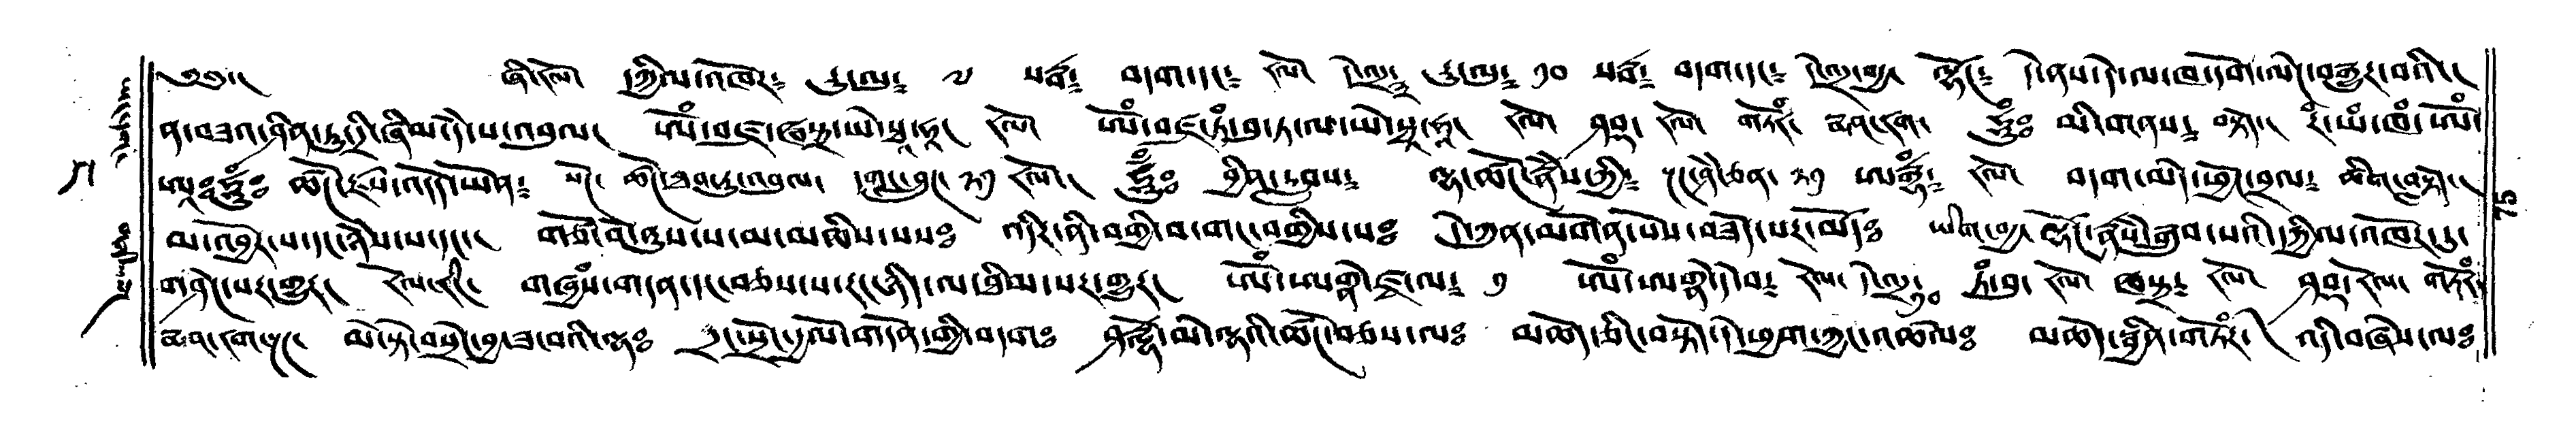༧༥༽ ཞི་རོལ། དཀྱིལ་འཁོར༴ རུ་ལུ༴ སརྦ༴ བདག་དང་༴ རོལ། དེ་འདྲ་གསུམ། རུ་ལུ༴ བཅུ། སརྦ༴ བདག་དང་༴ དེ་འདྲ་བརྒྱ། ལྷ་ཚོགས༴ དེ་ནས་དེ་ལ་ཁ་དོག་ལེགས་བསྒྱུར་བའི། །
ན་བཟའ་ཤིན་ཏུ་དྲི་ཞིམ་དམ་པ་འབུལ། ཨོཾ་བཛྲ་ཝསྟྲ་ཡེ་སྭ་ཧཱ། རོལ། ཨོཾ་བཛྲ་ཏཾ་བུ་ལ་ཡེ་སྭ་ཧཱ། རོལ། ཤབྡ། རོལ། གཏོར་མ། སྨན་རཀ ཧཱུཾཿ མི་གནས༴ བསྟོད། རཾ་ཡཾ་ཁཾ། ཨོཾ
ཨཱཿཧཱུཾཿ ཚོགས་རྫས་འདོད་ཡོན༴ སོགས། ཚོགས་ཐབ་ཏུ་འབུལ། དགང་བླུགས་ཉེར་གཅིག རོལ། ཧཱུྃཿ བྱིན་རླབས༴ ལྷ་ཚོགས་རྣམས་ཀྱི༴ སྔགས་ཤམ་ཅན་ཉེར་གཅིག ཨརྒྷཾ༴ རོལ། བདག་མེད་ཕྱོགས་བྲལ༴ ཚིག་བསྟོད་
བཞི། མ་འབྱོར་པ་དང་ཉམས་པ་དང་། །གཙོ་བོ་ནུས་པ་མ་མཆིས་པས། །འདིར་ནི་བྱ་མིན་གང་བགྱིས་པ། །དེ་ཀུན་མགོན་པོས་བཟོད་པར་མཛོད། ཡིག་བརྒྱ། ལྷ་ཚོགས་རྣམས་སྒྲུབ་པའི་དཀྱིལ་འཁོར་དུ་
གཤེགས་པར་གྱུར། རོལ་རིང་། གཞལ་ཡས་ཁང་གདན་དང་བཅས་པ་རང་ཉིད་ལ་ཐིམ་པར་གྱུར། ཨོཾ་ཨགྣེ་ཛྭ་ལ༴ གཅིག ཨོཾ་ཨགྣེ་དེ་བ༴ རོལ། ཨོཾ་ཨགྣེ་ཛྭ་ལ༴ གཅིག ཨོཾ་ཨགྣེ་དེ་བ༴ རོལ། དེ་འདྲ་བཅུ། ཏམ་བུ༴ ཝསྟྲ༴ རོལ། ཤབྡ༴ རོལ། གཏོར་མ་
སྨན་རཀ་སྔགས། མེ་སྟེ་བསྲེག་བྱ་ཟ་བའི་ལྷཿ དྲང་སྲོང་རྒྱལ་པོ་གདོན་གྱི་བདགཿ ཤར་ལྷོ་མེ་ལྷའི་ཚོགས་བཅས་ལཿ མཆོད་ཅིང་བསྟོད་དེ་ཕྱག་ཀྱང་འཚལཿ མཆོད་སྦྱིན་གཏོར་མ་འདི་བཞེས་ལཿ